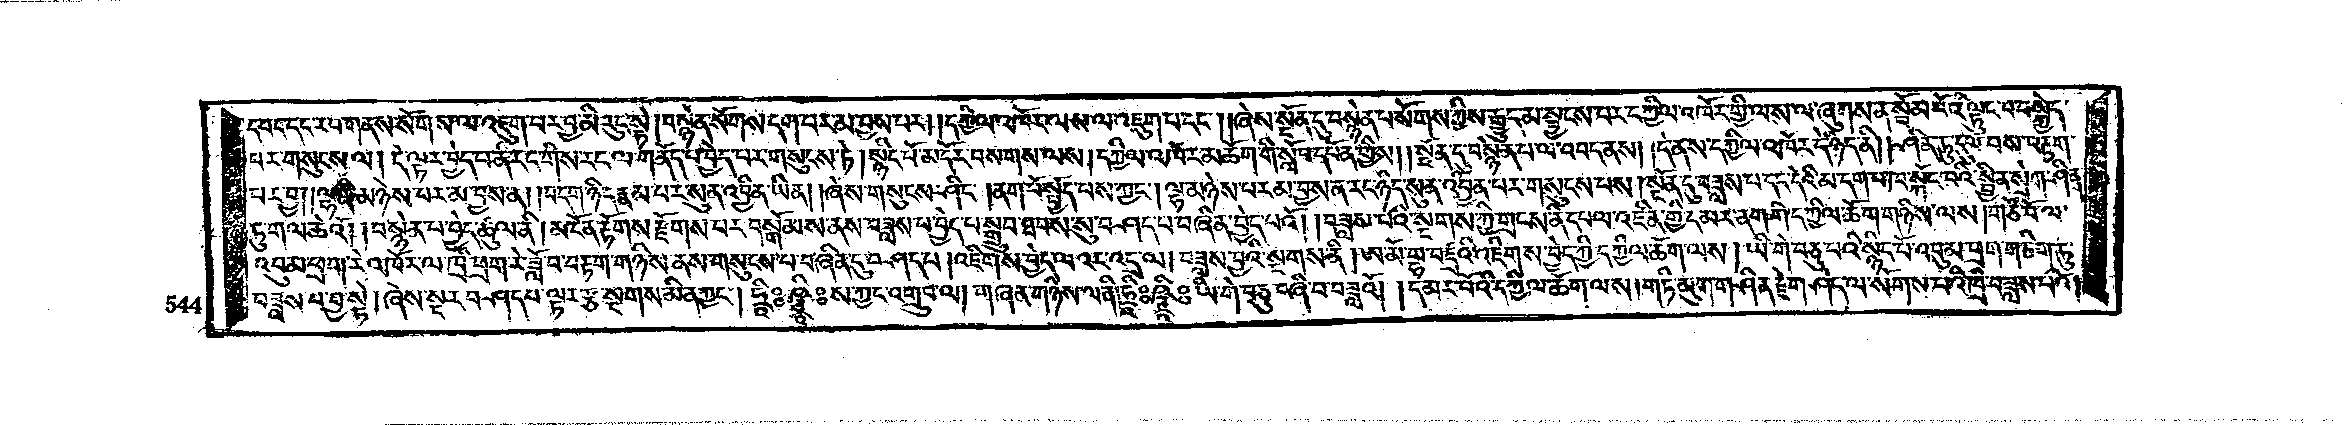དབང་དང་རབ་གནས་སོགས་ལ་འཇུག་པར་བྱ་མི་རུང་སྟེ། བསྙེན་སོགས་དག་པར་མ་བྱས་པར། །དཀྱིལ་འཁོར་ལས་ལ་འཇུག་པ་དང་། །ཞེས་སྔོན་དུ་བསྙེན་པ་སོགས་ཀྱིས་རྒྱུད་མ་སྦྱངས་པར་དཀྱིལ་འཁོར་གྱི་ལས་ལ་ཞུགས་ན་སྦོམ་པོའི་ལྟུང་བ་བསྐྱེད་
པར་གསུངས་ལ། དེ་ལྟར་བྱེད་པ་ནི་རང་གིས་རང་ལ་གནོད་པ་བྱེད་པར་གསུངས་ཏེ། སྙིང་པོ་མདོར་བསགས་ལས། དཀྱིལ་འཁོར་མཆོག་གི་སློབ་དཔོན་གྱིས། །སྔོན་དུ་བསྙེན་པ་ལ་འབད་ནས། །དེ་ནས་དཀྱིལ་འཁོར་དེ་ཉིད་ནི། །ཤིན་ཏུ་དུལ་བས་བརྟག་
པར་བྱ། །ལྷ་ནི་མཉེས་པར་མ་བྱས་ན། །བདག་ཉིད་རྣམ་པར་སུན་འབྱིན་ཡིན། །ཞེས་གསུངས་ཤིང་། ནག་པོ་སྤྱོད་པས་ཀྱང་། ལྷ་མཉེས་པར་མ་བྱས་ན་རང་ཉིད་སུན་འབྱིན་པར་གསུངས་པས། སྔོན་དུ་བཟླས་པ་དང་དེའི་མ་དག་པ་ཁ་སྐོང་བའི་སྦྱིན་སྲེག་ཤིན་
ཏུ་གལ་ཆེའོ། །བསྙེན་པ་བྱེད་ཚུལ་ནི། མངོན་རྟོགས་རྫོགས་པར་བསྒོམས་ནས་བཟླས་པ་བྱེད་པ་སྒྲུབ་ཐབས་སུ་བཤད་པ་བཞིན་བྱེད་པའོ། །བཟླས་པའི་སྔགས་ཀྱི་གྲངས་ནི་དཔལ་འཛིན་གྱི་དམར་ནག་གི་དཀྱིལ་ཆོག་གཉིས་ལས། གཙོ་བོ་ལ་
འབུམ་ཕྲག་རེ་འཁོར་ལ་ཁྲི་ཕྲག་རེ་ཟློ་བ་བརྟག་གཉིས་ནས་གསུངས་པ་བཞིན་དུ་བཤད་པ། འཇིགས་བྱེད་ལའང་འདྲ་ལ། བཟླས་བྱའི་སྔགས་ནི། ཨ་མོ་གྷ་བཛྲའི་འཇིགས་བྱེད་ཀྱི་དཀྱིལ་ཆོག་ལས། ཡི་གེ་བཅུ་པའི་སྙིང་པོ་འབུམ་ཕྲག་གཅིག་ཏུ་
བཟླས་པ་བྱ་སྟེ། ཞེས་སྔར་བཤད་པ་ལྟར་རྩ་སྔགས་མིན་ཀྱང་། ཧྲཱིཿ ཥྚྲཱིཿ ས་ཀྱང་འགྲུབ་ལ། གཞན་གཉིས་ལ་ནི། ཧྲཱིཿ ཥྚྲཱིཿ ཡི་གེ་བཅུ་བཞི་པ་བཟླའོ། །དམར་པོའི་དཀྱིལ་ཆོག་ལས། གཏི་མུག་གཤིན་རྗེ་གཤེད་ལ་སོགས་པའི་ཁྲི་བཟླས་པའཾ། ?